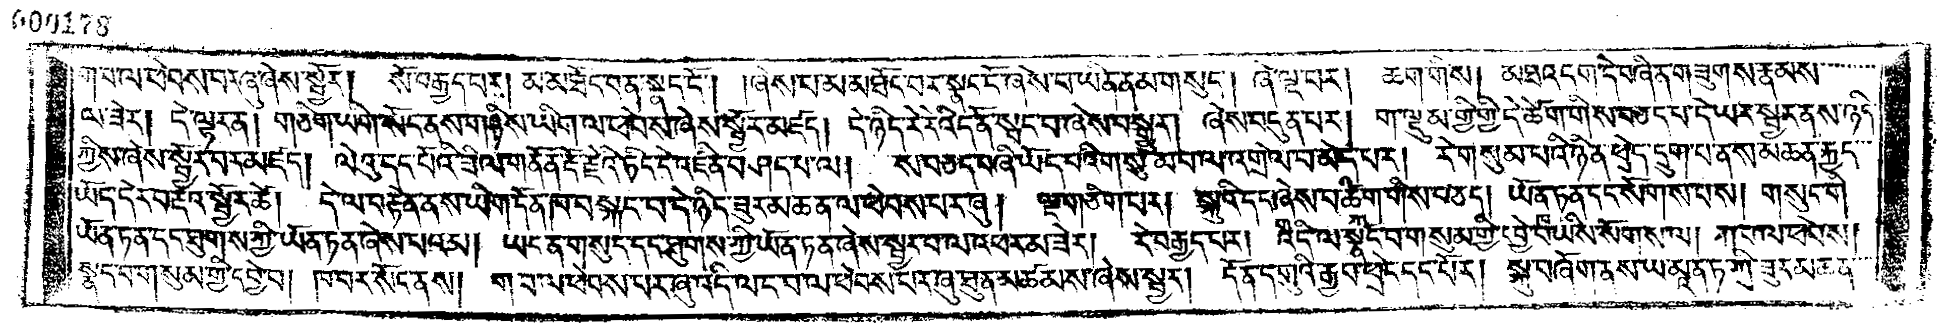ག་བ་ལ་ཕེབས་བར་ཞུ་ཞེས་སྦྱོར། སོ་བརྒྱད་པར། མ་མཐོང་བ་ན་སྣང་ངོ། །ཞེས་པ་མ་མཐོང་བར་སྣང་ངོ་ཞེས་པ་ཡིན་ནམ་གསུང་། ཞེ་ལྔ་པར། ཆག་གིས། མཐའ་དག་དེ་བཞིན་གཟུགས་རྣམས་
ལ་ཟེར། དེ་ལྟར་ན། གཅིག་ཡིག་སོང་ནས་གཉིས་ཡིག་ལ་ཕེབས་ཞེས་སྦྱོར་མཛད། དེ་ཉིད་རེ་རེའི་དོན་སྤང་བ་ཞེས་བསྒྱུར། ཞེས་བདུན་པར། ག་ལྡུམ་གྱི་གྱི་དེ་ཚེག་གིས་བཅད་པ་དེ་ཡར་སྦྱར་ནས་ཉིད་
ཀྱིས་ཞེས་སྦྱོར་བར་མཛད། ལེའུ་དང་པོའི་ཟིལ་གནོན་རྡོ་རྗེའི་ཏིང་ངེ་འཛིན་བཤད་པ་ལ། ས་བཅད་བཞི་ཡོད་པའི་གསུམ་པ་ལ་འགྲེལ་བ་མེད་པར། རེ་གསུམ་པའི་ཉིན་ཕྲེད་དྲུག་པ་ནས་མཆན་རྐྱང་
ཡོད་དེར་བརྡའ་སྦྱོར་ཚེ། དེ་ལ་བརྟེན་ནས་ཡིག་དོན་ཁ་བསྐང་བ་དེ་ཉིད་ཟུར་མཆན་ལ་ཕེབས་པར་ཞུ། ལྔ་གཅིག་པར། སྐུའི་དང་ཞེས་པ་ཚིག་གིས་བཅད། ཡོན་ཏན་དང་སོགས་པས། གསུང་གི་
ཡོན་ཏན་དང་ཐུགས་ཀྱི་ཡོན་ཏན་ཞེས་པའམ། ཡང་ན་གསུང་དང་ཐུགས་ཀྱི་ཡོན་ཏན་ཞེས་སྦྱར་བ་ལ་འཕར་མ་ཟེར། རེ་བརྒྱད་པར། {ག}འདི་ལ་{ཀ}སྣང་བ་གསུམ་གྱི་དབྱེ་{ཁ}བ་ཡིས་སོགས་ལ། ཀ་པ་ལ་ཕེབས།
སྣང་བ་གསུམ་གྱི་དབྱེ་བ། ཁ་པར་སོང་ནས། ག་བ་ལ་ཕེབས་པར་ཞུ་འདི་ལང་བ་ལ་ཕེབས་པར་ཞུ་ཐུན་མཚམས་ཞེས་སྦྱར། དོན་དགུའི་རྒྱབ་ཕྲེང་དང་པོར། སྐུ་བཞོག་ནས་ཡ་མཱན་ཏ་ཀྲི་ཟུར་མཆན་